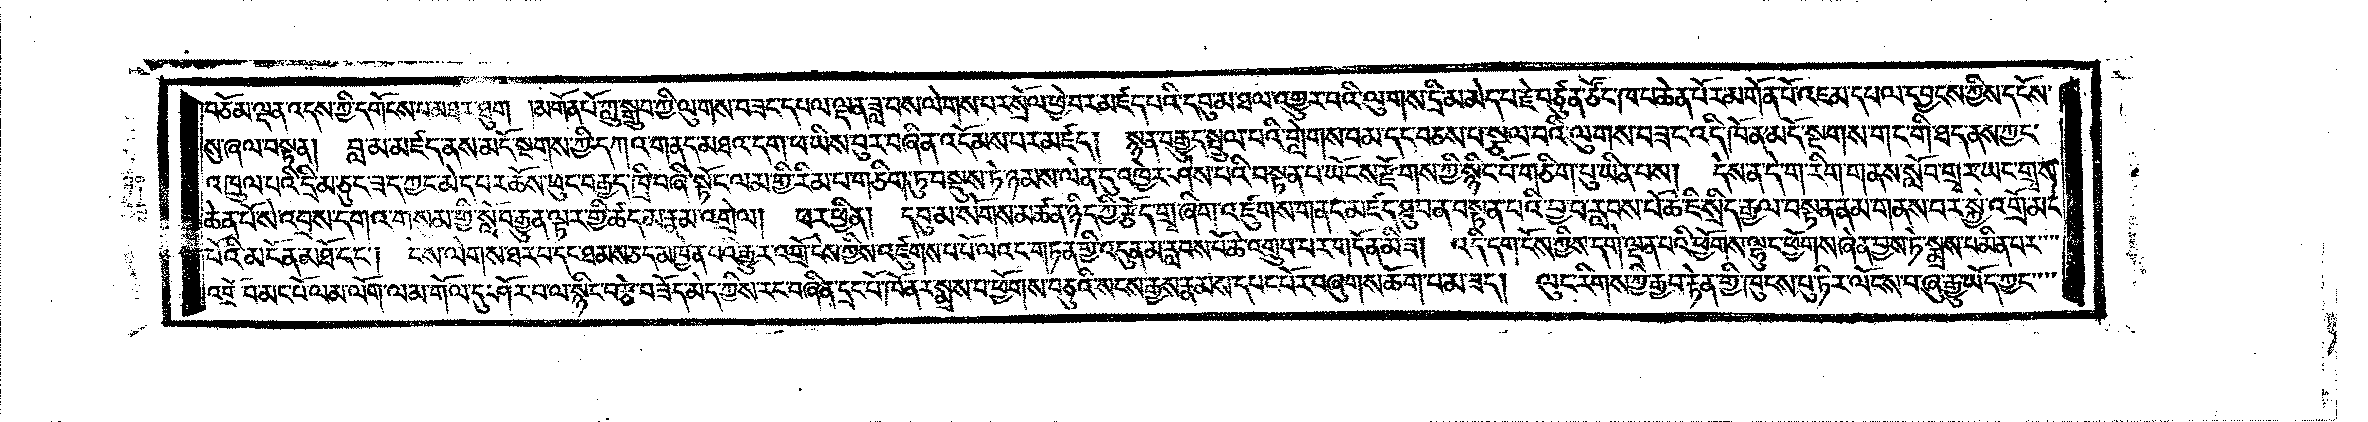བཅོམ་ལྡན་འདས་ཀྱི་དགོངས་པ་མཐར་ཐུག །མགོན་པོ་ཀླུ་སྒྲུབ་ཀྱི་ལུགས་བཟང་དཔལ་ལྡན་ཟླ་བས་ལེགས་པར་སྲོལ་ཕྱེ་བར་མཛད་པའི་དབུ་མ་ཐལ་འགྱུར་བའི་ལུགས་དྲི་མ་མེད་པ་རྗེ་བཙུན་ཙོང་ཁ་པ་ཆེན་པོར་མགོན་པོ་འཇམ་དཔལ་དབྱངས་ཀྱིས་དངོས་
སུ་ཞལ་བསྟན། བླ་མ་མཛད་ནས་མདོ་སྔགས་ཀྱི་དཀའ་གནད་མཐའ་དག་ཕ་ཡིས་བུར་བཞིན་འདོམས་པར་མཛད། སྙན་བརྒྱུད་སྤྲུལ་བའི་གླེགས་བམ་དང་བཅས་པ་སྩལ་བའི་ལུགས་བཟང་འདི་ཁོ་ན་མདོ་སྔགས་གང་གི་ཐད་ནས་ཀྱང་
འཁྲུལ་བའི་དྲི་མ་ཅུང་ཟད་ཀྱང་མེད་པར་ཆོས་ཕུང་བརྒྱད་ཁྲི་བཞི་སྟོང་ལམ་གྱི་རིམ་པ་གཅིག་ཏུ་བསྡུས་ཏེ་ཉམས་ལེན་དུ་འཁྱེར་ཤེས་པའི་བསྟན་པ་ཡོངས་རྫོགས་ཀྱི་སྙིང་པོ་གཅིག་པུ་ཡིན་པས། དེས་ན་དེ་ག་རིག་གནས་སློབ་གྲྭར་ཡང་གྲྭས་
ཆེན་པོ་སེ་འབྲས་དགའ་གསུམ་གྱི་སློབ་རྒྱུན་ལྟར་གྱི་ཚད་མ་རྣམ་འགྲེལ། ཕར་ཕྱིན། དབུ་མ་སོགས་མཚན་ཉིད་ཀྱི་རྩོད་གྲྭ་ཞིག་འཛུགས་གནང་མཛད་ཐུབ་ན་བསྟན་པའི་བྱ་བ་རླབས་པོ་ཆེ་ཇི་སྲིད་རྒྱལ་བསྟན་ནམ་གནས་བར་སྐྱེ་འགྲོ་མང་
པོའི་མངོན་མཐོ་དང་། ངེས་ལེགས་ཐར་པ་དང་ཐམས་ཅད་མཁྱེན་པའི་རྒྱུར་འགྲོ་ངེས་ཀྱིས་འཛུགས་པ་པོ་ལའང་གཏན་གྱི་འདུན་མ་རླབས་པོ་ཆེ་འགྲུབ་པར་གདོན་མི་ཟ། འདི་དགོངས་ཀྱིས་དགེ་ལྡན་པའི་ཕྱོགས་ལྷུང་ཕྱོགས་ཞེན་བྱས་ཏེ་སྨྲས་པ་མིན་པར་
འགྲོ་བ་མང་པོ་ལམ་ལོག་ལམ་གོལ་དུ་ཤོར་བ་ལ་སྙིང་བརྩེལ་ཟོད་མེད་ཀྱིས་རང་བཞིན་དྲང་པོ་ཁོ་ནར་སྨྲས་པ་ཕྱོགས་བཅུའི་སངས་རྒྱས་རྣམས་དབང་པོར་བཞུགས་ཆོག་པ་མ་ཟད། ལུང་རིགས་ཀྱི་རྒྱབ་རྟེན་གྱི་ཁུངས་བུ་ཏིར་ལོངས་པ་ཞུ་རྒྱུ་ཡོད་ཀྱང་